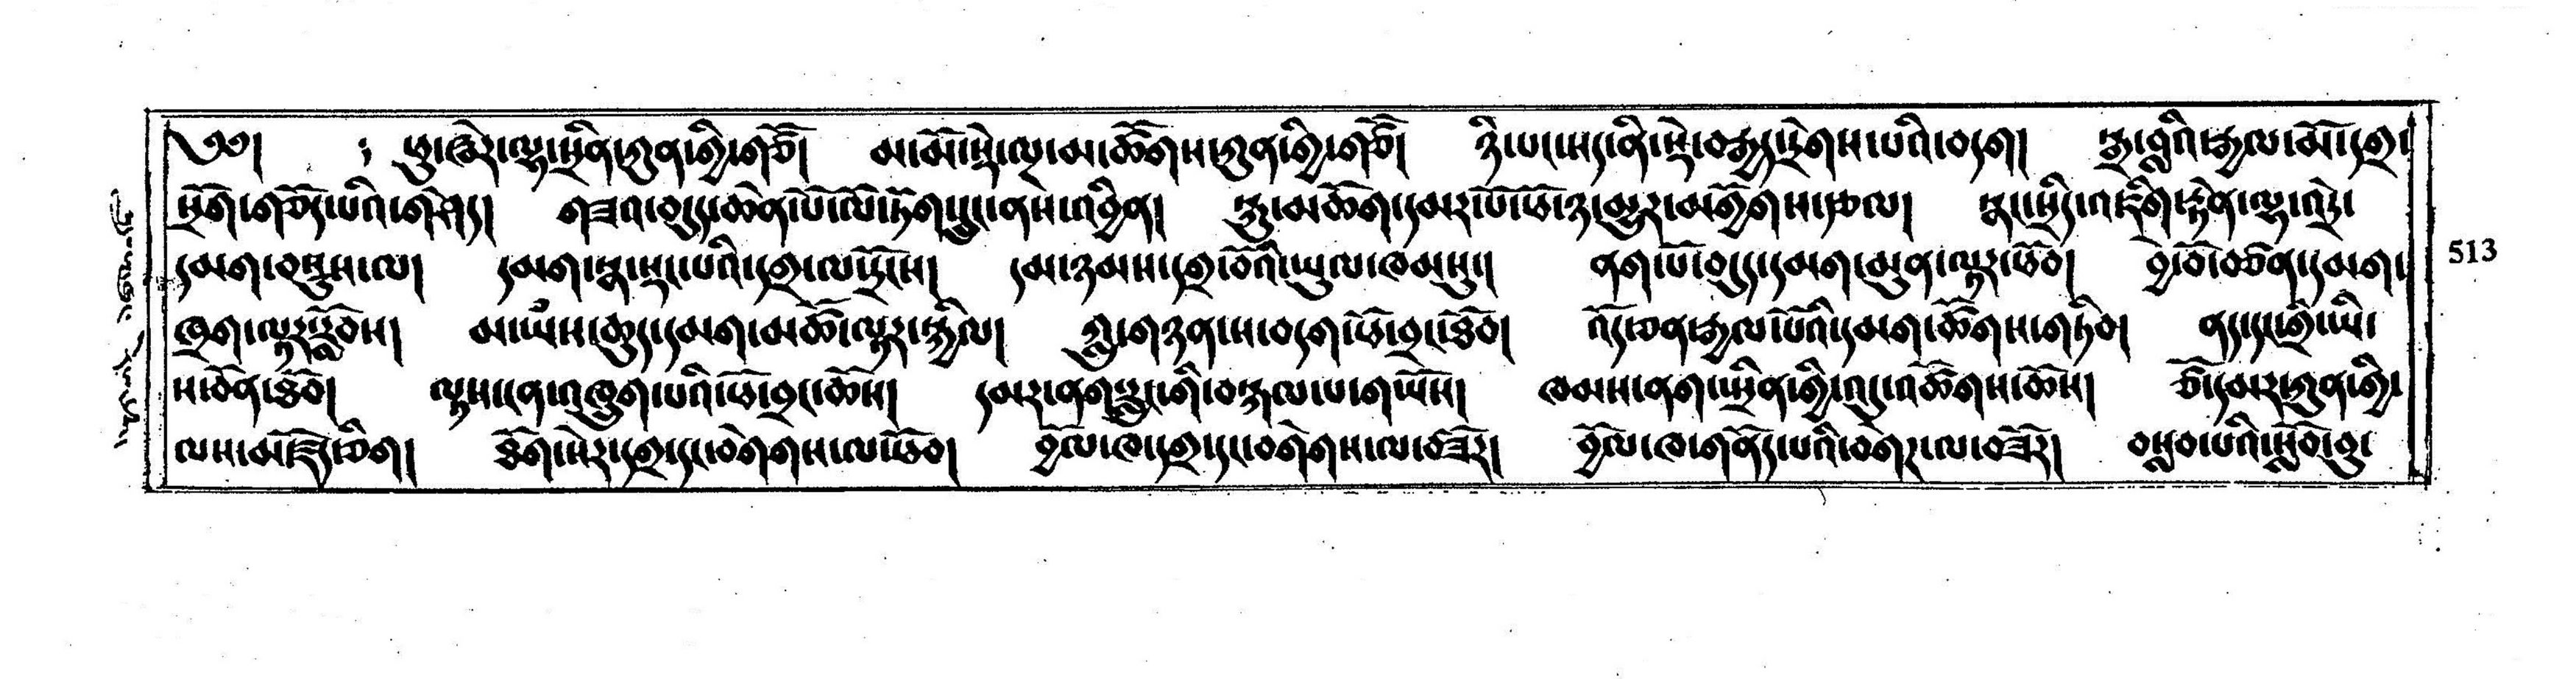ཕུ་ཝེར་ལྷ་སྲིན་ཀུན་གྱི་གཙོ། མ་མོ་སྡེ་ལྔ་མ་ཚོགས་ཀུན་གྱི་གཙོ། ཉི་པང་སད་ནི་སྡེ་བརྒྱད་དྲེགས་པའི་བདག སྒྲ་བླའི་རྒྱལ་མོ་དགྲ་
སྲོག་གཅོད་པའི་གཤེད། གཟའ་བདུད་ཆེན་པོ་ལོ་ཏོག་དྲུང་ནས་འབྱིན། སྐུ་མཆོག་དམར་པོ་ཕོ་ཉ་མྱུར་མགྱོགས་རྩལ། སྣང་སྲིད་འཇིག་རྟེན་ལྷ་འདྲེ་
དམག་བསྡུས་ལ། དམག་{528}སྣ་སྡང་པའི་དགྲ་ལ་དྲོངས། དམ་ཉམས་དགྲ་བོའི་ཡུལ་ཁམས་སུ། ནག་པོ་བདུད་དམག་མུན་ལྟར་ཕོབ། བྱེ་བོ་བཙན་དམག་
ཁྲག་ལྟར་རློབས། མ་ཡམས་ཆུད་དམག་མཚོ་ལྟར་སྐྱིལ། ཀླུ་གཉན་ས་བདག་ཕོ་བྲང་ཐོབ། འོད་ཅན་རྒྱལ་པོའི་དམག་ཚོགས་གཏིབ། ནད་དང་གྲི་ཡི་
ས་བོན་ཐོབ། ལྟས་ངན་འཁྲུག་པའི་ཕོ་བྲང་ཆོས། དམར་ནག་རླུང་གི་བསྐལ་པ་གཡོས། ཁམས་ནག་སྤྲིན་གྱི་འདུ་འཚོགས་ཆོས། ཙོ་དམར་ཀུན་གྱི་
ལས་མཛོད་ཅིག ཐོག་སེར་དགྲ་དང་བགེགས་ལ་ཕོབ། བྱོལ་ཁ་དགྲ་དང་བགེགས་ལ་བཟོར། བྱོལ་ཁ་གནོད་པའི་བགེགས་ལ་བཟོར། བསླབ་པའི་སློབ་བུ་